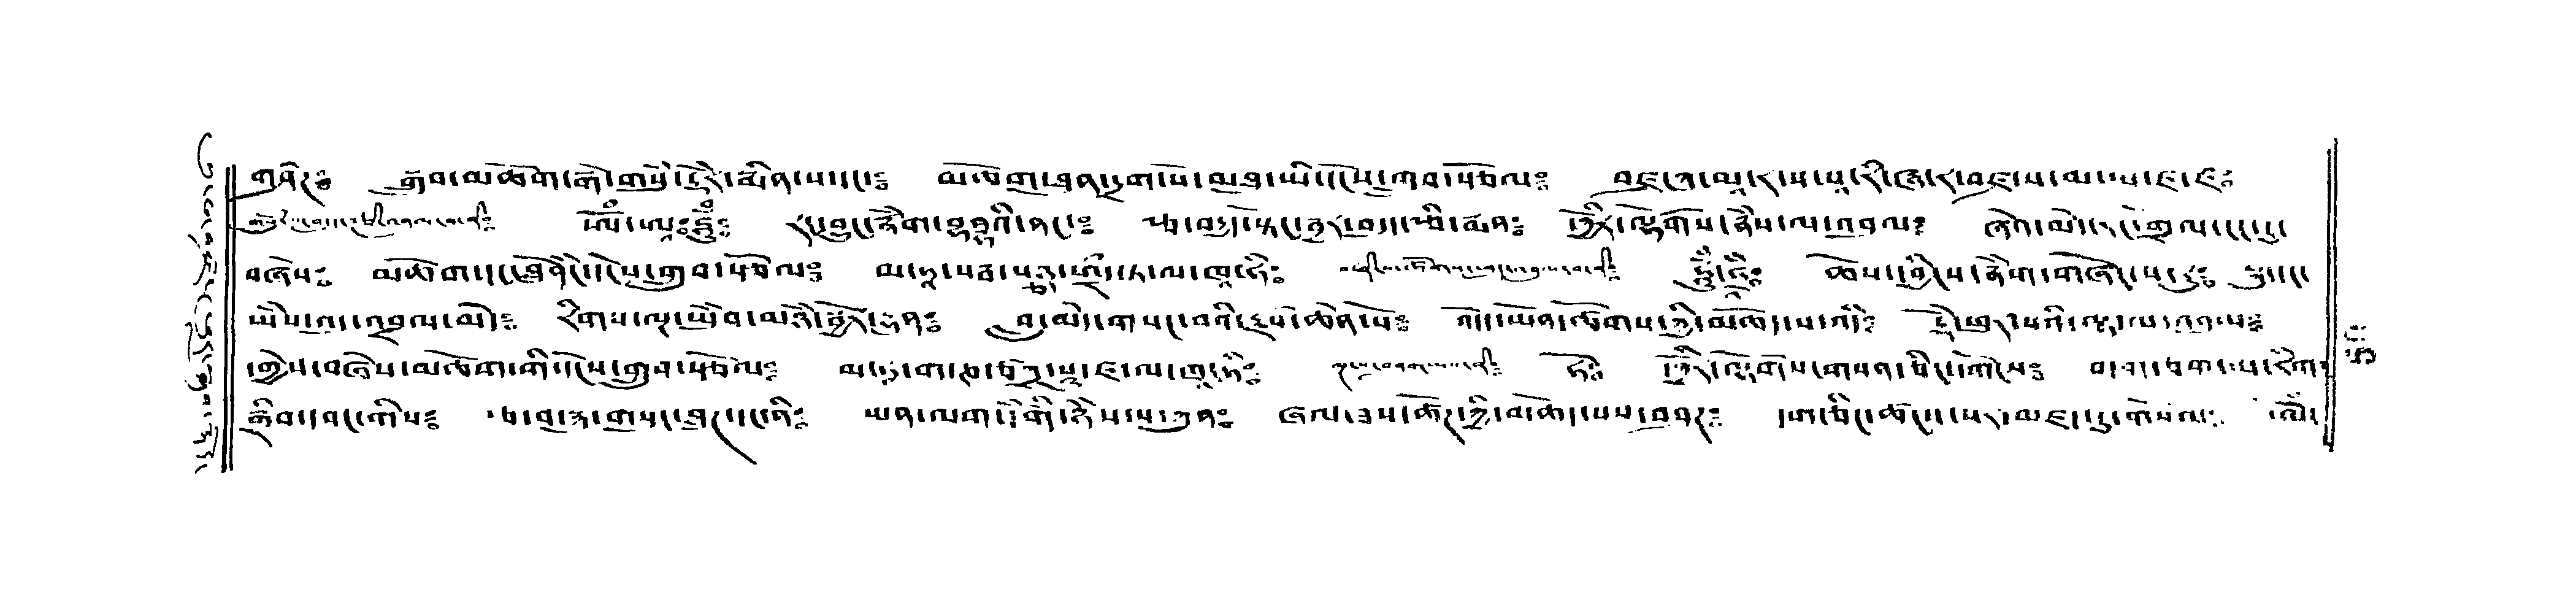གཤེགས༔ སྒྲུབ་མཆོག་སྒོ་གསུམ་རྡོ་རྗཻར་སྨིན་པ་དང༔ མཆོག་ཐུན་དྲག་པོ་མཐུ་ཡི་དངོས་གྲུབ་སྩོལ༔ བཛྲ་ཀུ་མཱ་ར་ས་པཱ་རི་ཝ་ར་བཛྲ་ས་མ་ཡ་ཛ་ཛཿ 
གསུམ་པ་བདུད་རྩི་འབུལ་བ་ནི༔ ཨོཾ་ཨཱཿཧཱུྃ༔ རང་བྱུང་རྣམ་དག་བྷནྡྷའི་ནང༔ རྩ་བརྒྱད་སྟོང་སྦྱར་བདུད་རྩི་སྨན༔ དཀྱིལ་འཁོར་ལྷ་ཚོགས་རྣམས་ལ་འབུལ༔ ཞེན་མེད་རང་གྲོལ་ངང་དུ་
བཞེས༔ མཆོག་དང་ཐུན་མོང་དངོས་གྲུབ་སྩོལ༔ མ་ཧཱ་སརྦ་པཉྩ་ཨ་མྲྀ་ཏ་ལ་ཁཱ་ཧིཿ བཞི་པ་ཚོགས་ཕུད་འབུལ་བ་ནི༔ ཧཱུྃ་ཧྲཱིཿ ཆོས་དབྱིངས་རྣམ་དག་གཞོང་པ་རུ༔ སྐུ་དང་
ཡེ་ཤེས་འདུ་འབྲལ་མེད༔ རིགས་ལྔ་ཡབ་ཡུམ་མཉམ་སྦྱོར་རྒྱུན༔བླ་མེད་གསང་བའི་རྫས་ཆེན་པོ༔ འདོད་ཡོན་ཚོགས་ཀྱི་མཆོད་པ་འདི༔ རྡོ་རྗེ་ཕུར་པའི་ལྷ་ལ་འབུལ༔ 
དགྱེས་བཞེས་མཆོག་གི་དངོས་གྲུབ་སྩོལ༔ མ་ཧཱ་ག་ཎ་ཙཀྲ་པཱུ་ཛ་ལ་ཁཱ་ཧི༔ ལྔ་པ་བཤགས་པ་ནི༔ ཧོཿ དཀྱིལ་འཁོར་ལྷ་ཚོགས་གསན་ཅིང་དགོངས༔ བདག་ཅག་མ་རིག་
སྒྲིབ་དབང་གིས༔ རྩ་བ་སྐུ་གསུང་ཐུགས་དང་ནི༔ ཡན་ལག་དམ་ཚིག་ཉམས་པ་ཀུན༔ ཞལ་ཟས་ཚོགས་ཀྱི་མཆོད་པས་བཤགས༔ དག་ཅིང་ཚངས་པར་མཛད་དུ་གསོལཿ ཨོཾ་